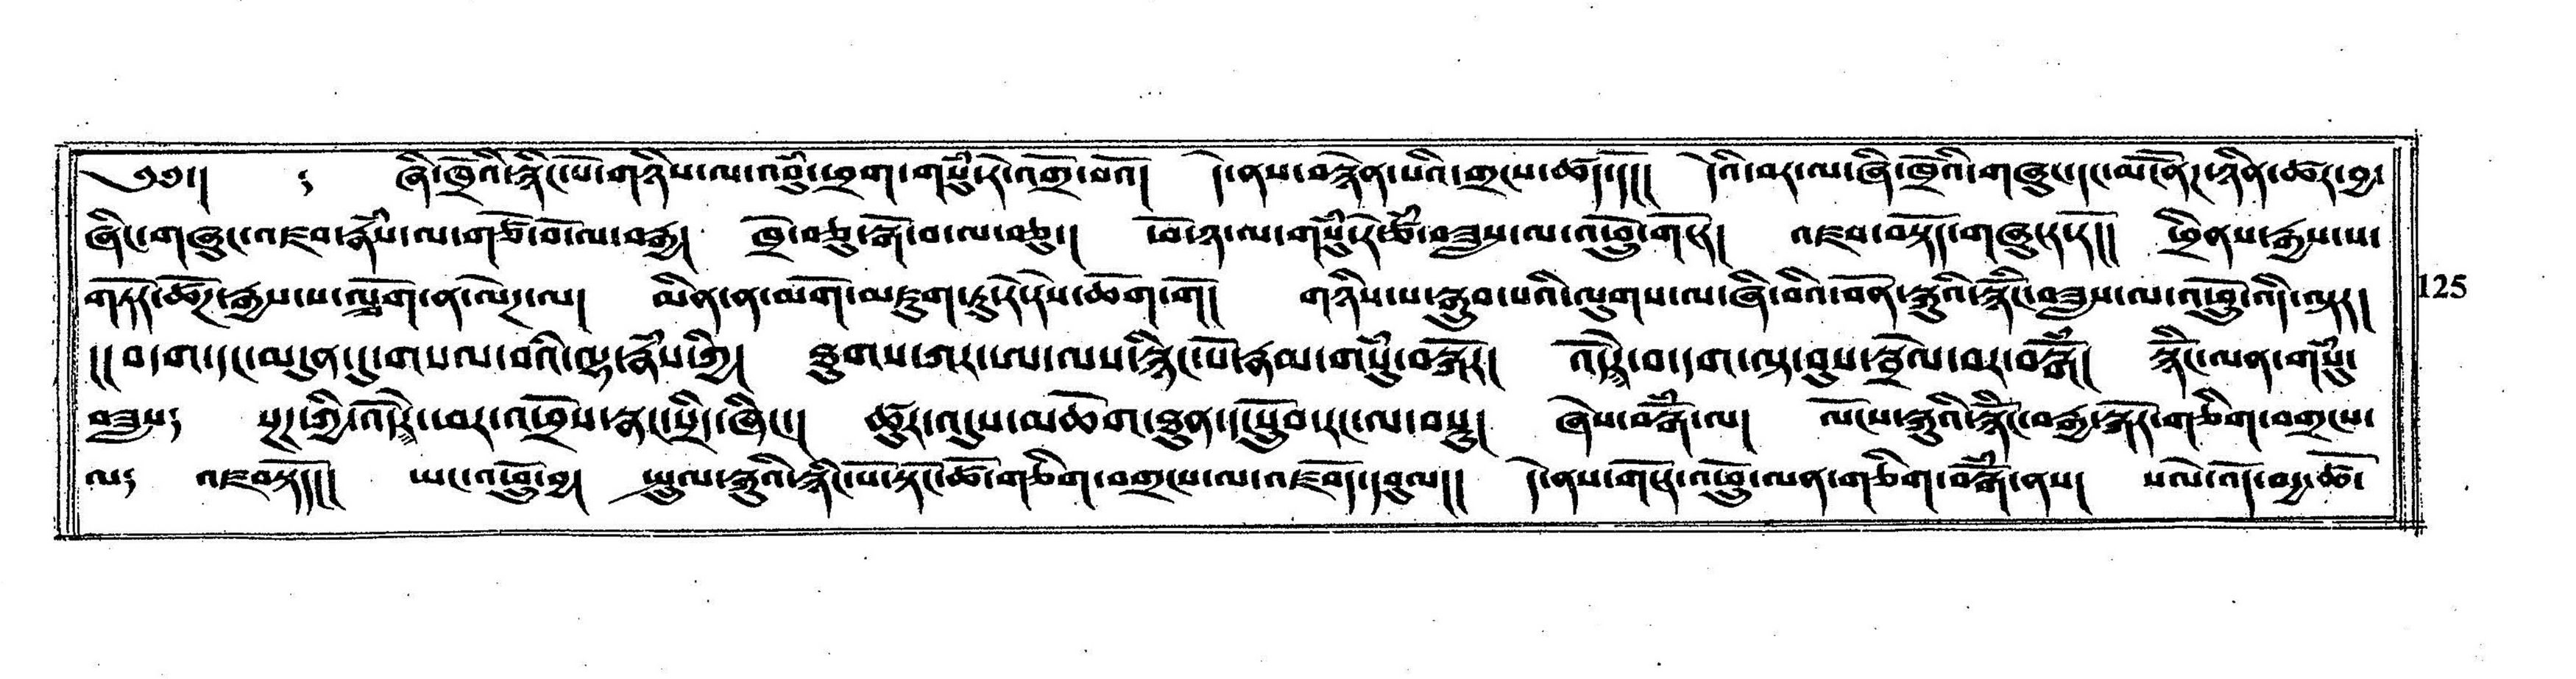ཞི་ཁྲོའི་སྙིང་པོ་གཉིས་ལ་འབུམ་ཕྲག་གསུམ་རེ་འགྲོ་བའོ། དེ་ནས་བསྙེན་པའི་གྲངས་ཚད་དོ། དེའི་བར་ལ་ཞི་ཁྲོའི་གཞུང་དང་མངོན་རྟོགས་ཉིན་ཚར་བྱ་
ཞིང་གཞུང་འཛབ་རྣམས་ལ་གཙོ་བོ་ལ་བརྒྱ། ཁྲོ་བཅུ་སྒོ་བ་ལ་བཅུ། ཕོ་ཉ་ལ་གསུམ་རེ་ཙམ་བཟླས་ལ་འཕྲོ་འདུ་གོང་ལྟར། འཛབ་བསྟོད་གཞུང་ལྟར་རོ།། ཕྲིན་ལས་རྒྱས་པ་
གཏོར་ཚོགས་རྒྱས་པ་ལྕོག་ན་ལེགས་ལ། མིན་ན་མགོ་མཇུག་ཏུ་རེ་རེས་ཆོག་གོ གཉིས་པ་སྒྲུབ་པའི་ལུགས་ལ་ཞི་བའི་བོན་སྐུའི་སྙིང་པོ་བཟླས་ལ་འཕྲོ་འདུ་འདི་ལྟར། 
།།བདག་དང་མདུན་དུ་གསལ་བའི་ལྷ་རྣམས་ཀྱི། ཐུགས་ཀར་ཨ་ལས་སྙིང་པོ་རྣམ་གསུམ་བསྐོར། འོད་ཟེར་བ་དག་ལྟ་བུས་སྦྲེལ་བར་བསྒོམ། སྙིང་པོ་ལན་གསུམ་
བཟླས། སྔགས་ཀྱི་འོད་ཟེར་ཕར་འཕྲོས་སྣང་སྲིད་ཞིང་། ཚུར་འདུས་མཆོག་ཐུན་དངོས་གྲུབ་རང་ལ་བསྡུ། ཞེས་བསྒོམ་ལ། ལོངས་སྐུའི་སྙིང་པོ་བརྒྱ་སྐོར་གཅིག་བགྲངས་
ལ། འཛབ་བསྟོད།། ཡང་འཕྲོ་འདུ་བྱ། སྤྲུལ་སྐུའི་སྙིང་པོ་སྟོང་ཚོ་གཅིག་བགྲངས་ལ་འཛབ་བསྟོད་དབུལ།། དེ་ནས་གོང་ལྟར་འཕྲོ་འདུ་ལན་གཅིག་བསྒོམ་ནས། སལེ་འོད་བརྒྱ་ཚོ་